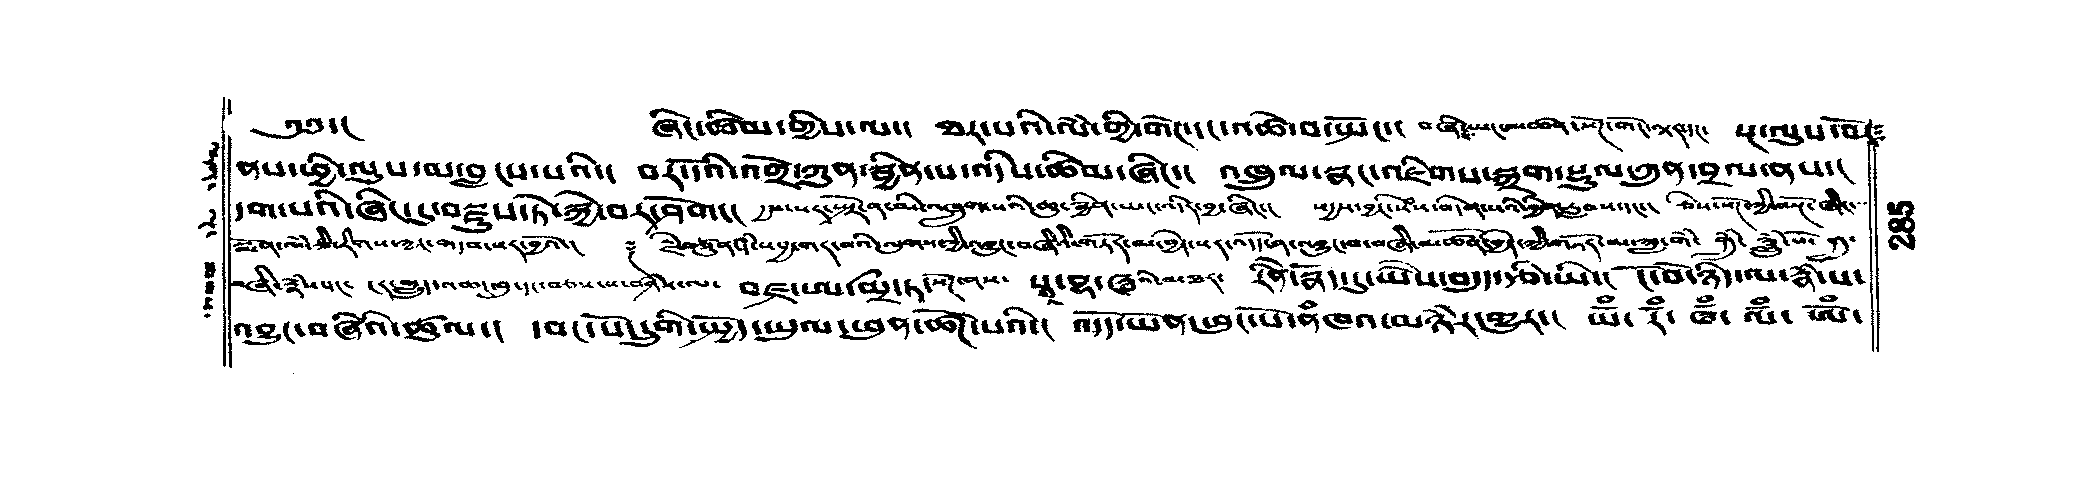ཚིམ་གྱིས་ལ། །ཐར་པའི་ལམ་གྱི་གེགས་དང་འཚེ་བ་སྤོང་། །བཞི་པ་ཡང་མཚན་སོགས་གོང་ལྟར་དང་། སྔ་ལུས་བོར་
ནས་ཕྱི་ལུས་དམ་བླངས་པའི། །བར་དོའི་འགྲོ་ཀུན་སྦྱིན་པ་འདིས་ཚིམ་ཞིང་། །འཁྲུལ་སྣང་འཇིགས་སྐྲག་སྡུག་བསྔལ་ཀུན་བྲལ་ནས། །
དག་པའི་ཞིང་དུ་བརྫུས་ཏེ་སྐྱེ་བར་ཤོག་རྒྱས་པར་སྤྲོ་ན་མི་འཁྲུག་པའི་ཆུ་སྦྱིན་ཡང་འདིར་བྱ་ཞིང་། སངས་རྒྱས་སེམས་ཅན་བདེན་པའི་བྱིན་རླབས་དང་། །ཅེས་སོགས་ཀྱི་བསྔོ་ཞིང་
སྨོན་ལམ་ཅི་རིགས་ཀྱང་གདབ་པར་བྱའོ། ༈ རྗེ་བཙུན་དམ་པ་རྒྱ་གར་བའི་ལུགས་ཀྱི་འབྱུང་བཞི་མཚོན་བྱེད་ཀྱི་གཏོར་མ་ཟླ་གམ། གྲུ་གསུམ། ཟླུམ་པོ། གྲུ་
བཞི་རྣམས་དང་། ངར་གླུད་འཆང་བུ་དང་བཅས་པ་བཤམས་ལ། བཛྲ་ཨ་མྲྀ་ཏ་སོགས་ནས་སྭ་བྷའི་མཐར། རིན་ཆེན་སྣོད་དུ་ཡེ་ཤེས་བདུད་རྩི་ཡི། །ངོ་བོ་ཉིད་ལ་རྣམ་པ་
འབྱུང་བཞིའི་ཚུལ། །དབང་པོ་དྲུག་གི་སྤྱཽད་ཡུལ་ཕུན་ཚོགས་པའི། །འདོད་ཡོན་ཕུང་པོ་ནམ་མཁའ་མཉམ་པར་གྱུར། །ཡཾ། རཾ། ཝཾ། ལཾ། ཨོྃ་